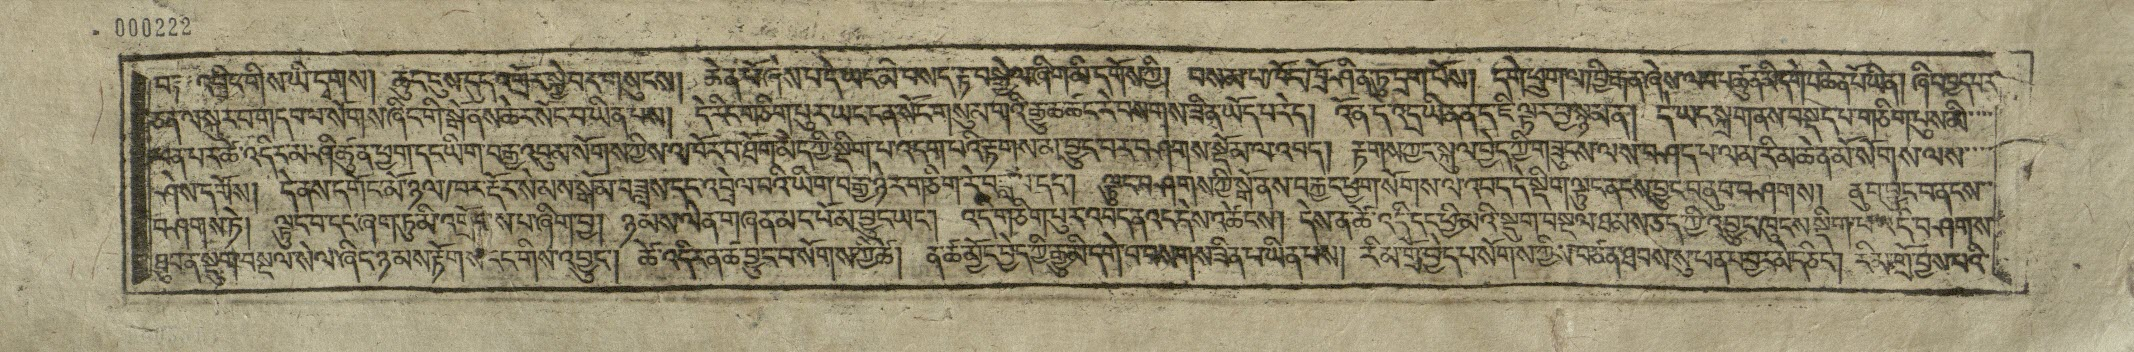བ༑ འབྲིང་གིས་ཡི་དྭགས། ཆུང་ངུས་དུད་འགྲོར་སྐྱེ་བར་གསུངས། ཆེན་པོ་ཞེས་པ་དེ་ཡང་མི་བསད་རྟ་བསྒྱེལ་ཞིག་མི་དགོས་ཀྱི། བསམ་པ་ཁོང་ཁྲོ་ཤིན་ཏུ་དྲག་པོས། དགེ་ཕྲུག་ལ་ཁྱི་རྒན་ཞེས་ལབ་པ་ཚུན་མི་དགེ་བ་ཆེན་པོ་ཡིན། ཞིང་ཁྱད་པར་
ཅན་ལ་སྐུར་པ་གདབ་པ་སོགས་ཞིང་གི་སྒོ་ནས་ཆེར་སོང་བ་ཡིན་པས། དེ་རིང་གཅིག་པུར་ཡང་ངན་སོང་གསུམ་གའི་རྒྱུ་ཆ་ཚང་རེ་བསགས་ཟིན་ཡོད་པ་རེད། འོ་ན་དེ་འདྲ་ཡིན་ན་ད་ཇི་ལྟར་བྱ་སྙམ་ན། དེ་ཡང་སྐྲག་ནས་བསྡད་པ་གཅིག་པུས་མི་
ཕན་པར་ཚེ་འདིར་མ་ཤི་ཚུན་ཕྱག་དང་ཡིག་བརྒྱ་འབུམ་སོགས་ཀྱིས་འཁོར་བ་ཐོག་མེད་ཀྱི་སྡིག་པ་འདག་པའི་རྟགས་མ་བྱུང་བར་བཤགས་སྡོམ་ལ་འབད། རྟགས་ཀྱང་སྐུལ་བྱེད་ཀྱི་གཟུངས་ལས་བཤད་པ་ལམ་རིམ་ཆེན་མོ་སོགས་ལས་
ཤེས་དགོས། དེ་ནས་དགོང་མོ་ཉལ་ཁར་རྡོར་སེམས་སྒོམ་བཟླས་དང་འབྲེལ་བའི་ཡིག་བརྒྱ་ཉེར་གཅིག་རེ་བཟླ་བ་དང་། ལྟུང་བཤགས་ཀྱི་སྒོ་ནས་བརྐྱང་ཕྱག་སོགས་ལ་འབད་དེ་སྡིག་ལྟུང་ནངས་བྱུང་བ་ནུབ་བཤགས། ནུབ་བྱུང་བ་ནངས་
བཤགས་ཏེ། ལྟུང་བ་དང་ཞག་ཏུ་མི་འགྲོགས་པ་ཞིག་བྱ། ཉམས་ལེན་གཞན་མང་པོ་མ་བྱུང་ཡང་། འདི་གཅིག་པུར་འབད་ནའང་དེས་འཚེངས། དེས་ན་ཚེ་འདི་དང་ཕྱི་མའི་སྡུག་བསྔལ་ཐམས་ཅད་ཀྱི་འབྱུང་ཁུངས་སྡིག་པ་འདི་བཤགས་
ཐུབ་ན་སྡུག་བསྔལ་སེལ་ཞིང་ཉམས་རྟོགས་ངང་གིས་འབྱུང་། ཚེ་འདིར་ན་ཚ་བྱུང་བ་སོགས་ཀྱི་ཚེ། ན་ཚ་མྱོང་བྱེད་ཀྱི་རྒྱུ་མི་དགེ་བ་བསགས་ཟིན་པ་ཡིན་པས། རིམ་གྲོ་བྱེད་པ་སོགས་ཀྱིས་བཙན་ཐབས་སུ་ཕན་པ་བྱར་མེད་ཅིང་། རིམ་གྲོ་བྱས་པའི་